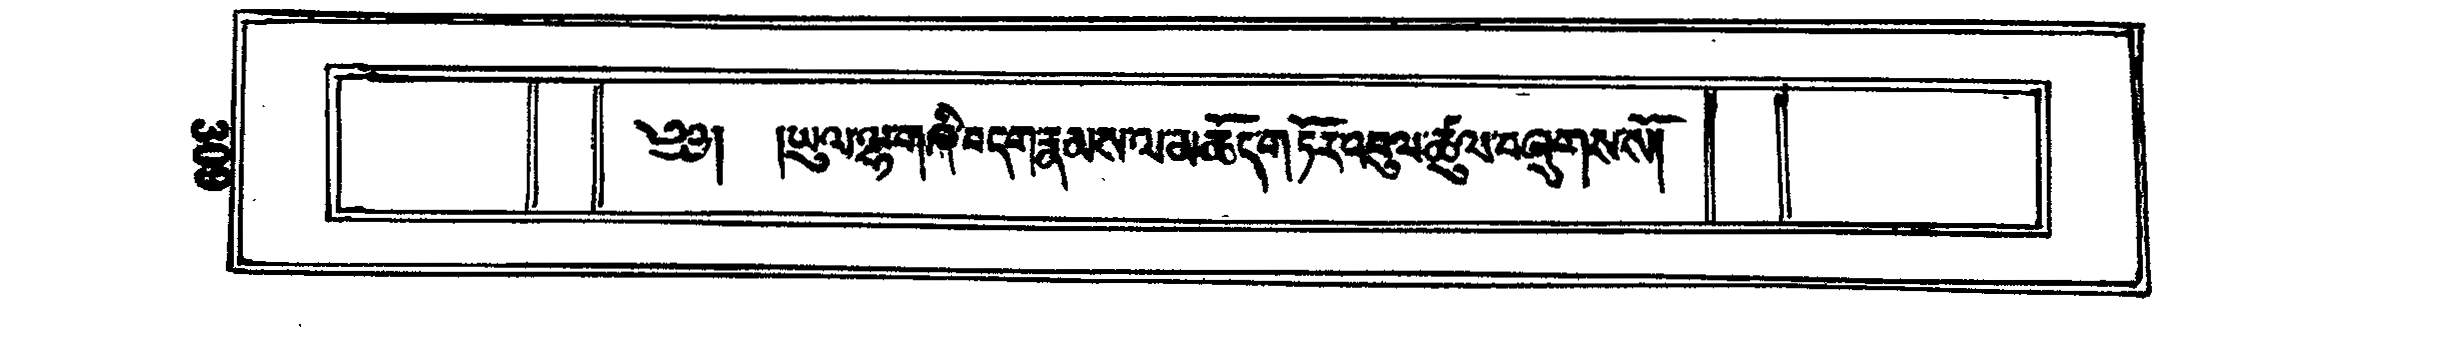༄༅། །ཡུལ་ལྷ་གཞི་བདག་རྣམས་ལ་མཆོད་གཏོར་འབུལ་ཚུལ་བཞུགས།།